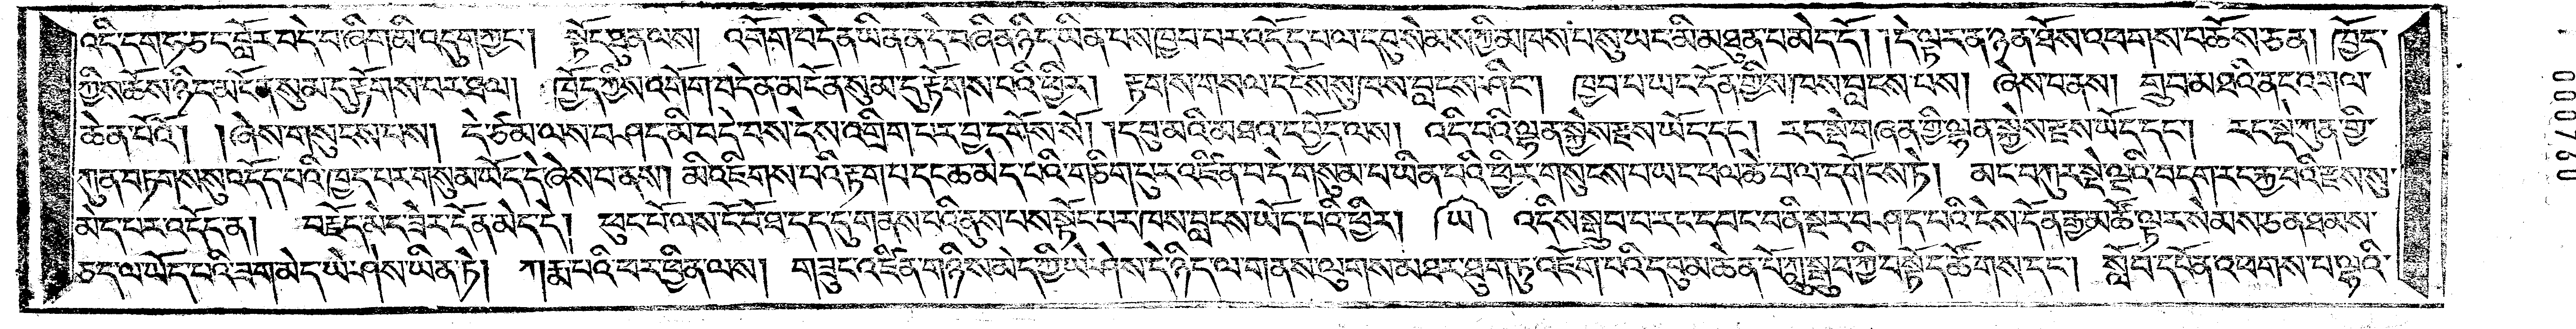འདི་དག་ཧ་ཅང་བློར་བདེ་བ་ཞིག་མི་འདུག་ཀྱང་། སྟོང་ཐུན་ལས། འགོག་བདེན་ཡིན་ན་དེ་བཞིན་ཉིད་ཡིན་པས་ཁྱབ་པར་འདོད་པ་ལ་དབུ་སེམས་ཀྱི་མཁས་པ་སུ་ཡང་མི་མཐུན་པ་མེད་དོ། །དེ་ལྟར་ན་ཉན་ཐོས་འཕགས་པ་ཆོས་ཅན། ཁྱོད་
ཀྱིས་ཆོས་ཉིད་མངོན་སུམ་དུ་རྟོགས་པར་ཐལ། ཁྱོད་ཀྱིས་འགོག་བདེན་མངོན་སུམ་དུ་རྟོགས་པའི་ཕྱིར། རྟགས་གསལ་དངོས་སུ་ཁས་བླངས་ཤིང་། ཁྱབ་པ་ཡང་དོན་གྱིས་ཁས་བླངས་པས། ཞེས་པ་ནས། གྲུབ་མཐའི་ནང་འགལ་
ཆེན་པོའོ། །ཞེས་གསུངས་པས། དེ་ཙམ་ལས་བཤད་མི་བདེ་བས་དེས་འགྲིག་པར་བྱ་དགོས་སོ། །དབུ་མའི་མཐའ་དཔྱོད་ལས། འདི་པའི་ལྷན་སྐྱེས་རྫས་ཡོད་དང་། རང་སྡེ་གཞན་གྱི་ལྷན་སྐྱེས་རྫས་ཡོད་དང་། རང་སྡེ་ཀུན་གྱི་
ཀུན་བཏགས་སུ་འདོད་པའི་ཁྱད་པར་གསུམ་ཡོད་དེ་ཞེས་པ་ནས། མི་འཇིགས་པའི་རྟག་པ་དང་ཆ་མེད་པའི་གཅིག་པུར་འཛིན་པ་དེ་གསུམ་པ་ཡིན་པའི་ཕྱིར་གསུངས་པ་ཡང་ཕལ་ཆེ་བ་ལ་དགོངས་ཏེ། མང་བཀུར་སྡེ་ལྔའི་བདག་རང་རྐྱ་བའི་རྫས་སུ་
མེད་པར་འདོད་ན། བརྗོད་མེད་ཟེར་དོན་མེད་དེ། ཕུང་པོ་ལས་ངོ་བོ་ཐ་དད་དུ་གནས་པའི་ནུས་པས་སྟོང་པར་ཁས་བླངས་ཡོད་པའི་ཕྱིར། ༼ཡ༽ འདིས་སྒྲུབ་པ་རང་དབང་བ་ནི་སྔར་བཤད་པའི་ངེས་དོན་རྒྱ་མཚོ་ལྟར་སེམས་ཅན་ཐམས་
ཅད་ལ་ཡོད་པའི་ཟག་མེད་ཡེ་ཤེས་ཡིན་ཏེ། ཀརྨ་པའི་ཕར་ཕྱིན་ལས། གཟུང་འཛིན་གཉིས་མེད་ཀྱི་ཡེ་ཤེས་དེ་ཉིད་ལ་གནས་ལུགས་མཐར་ཐུག་ཏུ་འཇོག་པའི་དབུ་མ་ཆེན་པོ་ཀླུ་སྒྲུབ་ཀྱི་བསྟོད་ཚོགས་དང་། སློབ་དཔོན་འཕགས་པ་ལྷའི་